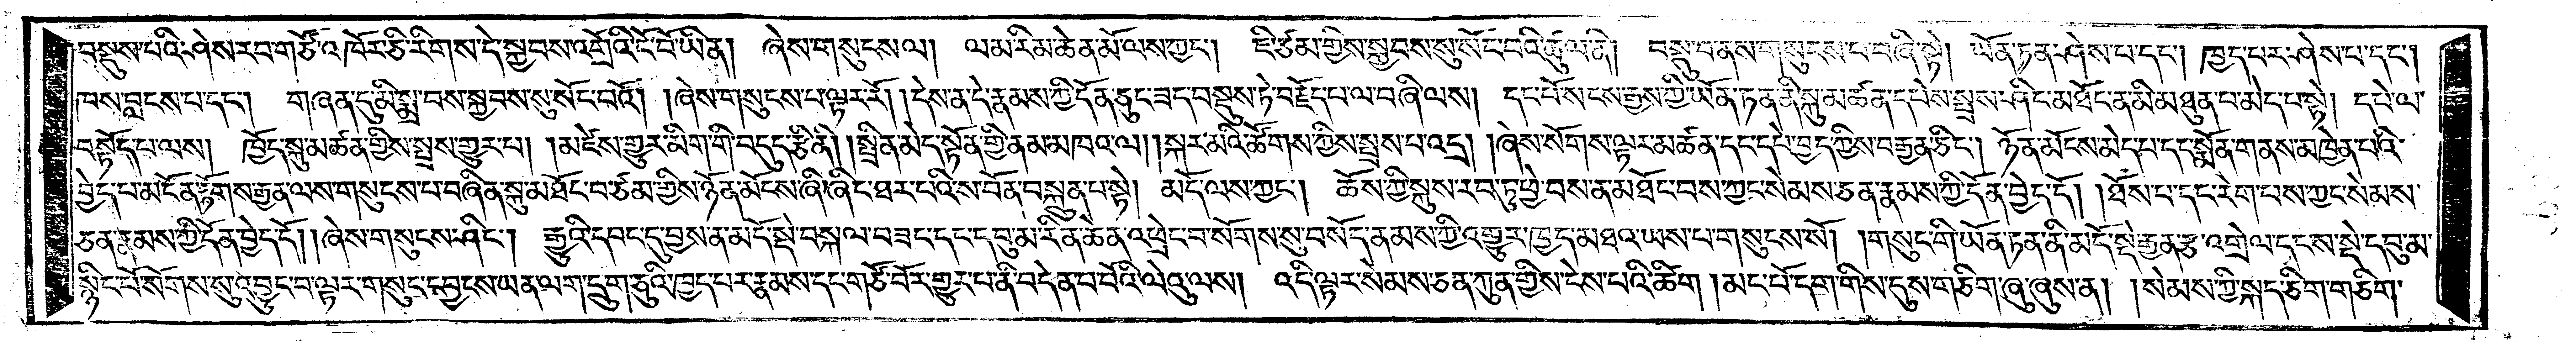བསྡུས་པའི་ཤེས་རབ་གཙོ་འཁོར་ཅི་རིགས་དེ་སྐྱབས་འགྲོའི་ངོ་བོ་ཡིན། ཞེས་གསུངས་ལ། ལམ་རིན་ཆེན་མོ་ལས་ཀྱང་། ཇི་ཙམ་གྱིས་སྐྱབས་སུ་སོང་བའི་ཚུལ་ནི། བསྡུ་བ་ནས་གསུངས་པ་བཞི་སྟེ། ཡོན་ཏན་ཤེས་པ་དང་། ཁྱད་པར་ཤེས་པ་དང་།
ཁས་བླངས་པ་དང་། གཞན་དུ་མི་སྨྲ་བས་སྐྱབས་སུ་སོང་བའོ། །ཞེས་གསུངས་པ་ལྟར་རོ། །དེས་ན་དེ་རྣམས་ཀྱི་དོན་ཅུང་ཟད་བསྡུས་ཏེ་བརྗོད་པ་ལ་བཞི་ལས། དང་པོ་སངས་རྒྱས་ཀྱི་ཡོན་ཏན་ནི་སྐུ་མཚན་དཔེས་སྤྲས་ཤིང་མཐོང་ན་མི་མཐུན་པ་མེད་པ་སྟེ། དཔེ་ལ་
བསྟོད་པ་ལས། ཁྱོད་སྐུ་མཚན་གྱིས་སྤྲས་གྱུར་པ། །མཛེས་གྱུར་མིག་གི་བདུད་རྩི་ནི། །སྤྲིན་མེད་སྟོན་གྱི་ནམ་མཁའ་ལ། །སྐར་མའི་ཚོགས་ཀྱིས་སྤྲས་པ་འདྲ། །ཞེས་སོགས་ལྟར་མཚན་དང་དཔེ་བྱད་ཀྱིས་བརྒྱན་ཅིང་། ཉོན་མོངས་མེད་པ་དང་སྨོན་གནས་མཁྱེན་པའི་
བྱེད་པ་མངོན་རྟོགས་རྒྱན་ལས་གསུངས་པ་བཞིན་སྐུ་མཐོང་བ་ཙམ་གྱིས་ཉོན་མོངས་ཞི་ཞིང་ཐར་པའི་ས་བོན་བསྐྲུན་བ་སྟེ། མདོ་ལས་ཀྱང་། ཆོས་ཀྱི་སྐུས་རབ་ཏུ་ཕྱེ་བས་ན་མཐོང་བས་ཀྱང་སེམས་ཅན་རྣམས་ཀྱི་དོན་བྱེད་དོ། །ཐོས་པ་དང་རེག་པས་ཀྱང་སེམས་
ཅན་རྣམས་ཀྱི་དོན་བྱེད་དོ། །ཞེས་གསུངས་ཤིང་། རྒྱུའི་དབང་དུ་བྱས་ན་མདོ་སྡེ་བསྐལ་བཟང་དང་དབུ་མ་རིན་ཆེན་འཕྲེང་བ་ལ་སོགས་སུ་བསོད་ནམས་ཀྱི་འགྱུར་ཁྱད་མཐའ་ཡས་པ་གསུངས་སོ། །གསུང་གི་ཡོན་ཏན་ནི་མདོ་སྡེ་རྒྱན་རྩ་འགྲེལ་དང་ས་སྡེ་དབུ་མ་
སྙིང་པོ་སོགས་སུ་འབྱུང་བ་ལྟར་གསུང་དབྱངས་ཡན་ལག་དྲུག་ཅུའི་ཁྱད་པར་རྣམས་དང་གཙོ་བོར་གྱུར་པ་ནི་བདེན་བ་བོའི་ལེའུ་ལས། འདི་ལྟར་སེམས་ཅན་ཀུན་གྱི་སྭ་ངེས་པའི་ཚིག །མང་པོ་དག་གིས་དུས་གཅིག་ཞུ་ཞུས་ན། །སེམས་ཀྱི་སྐད་ཅིག་གཅིག་